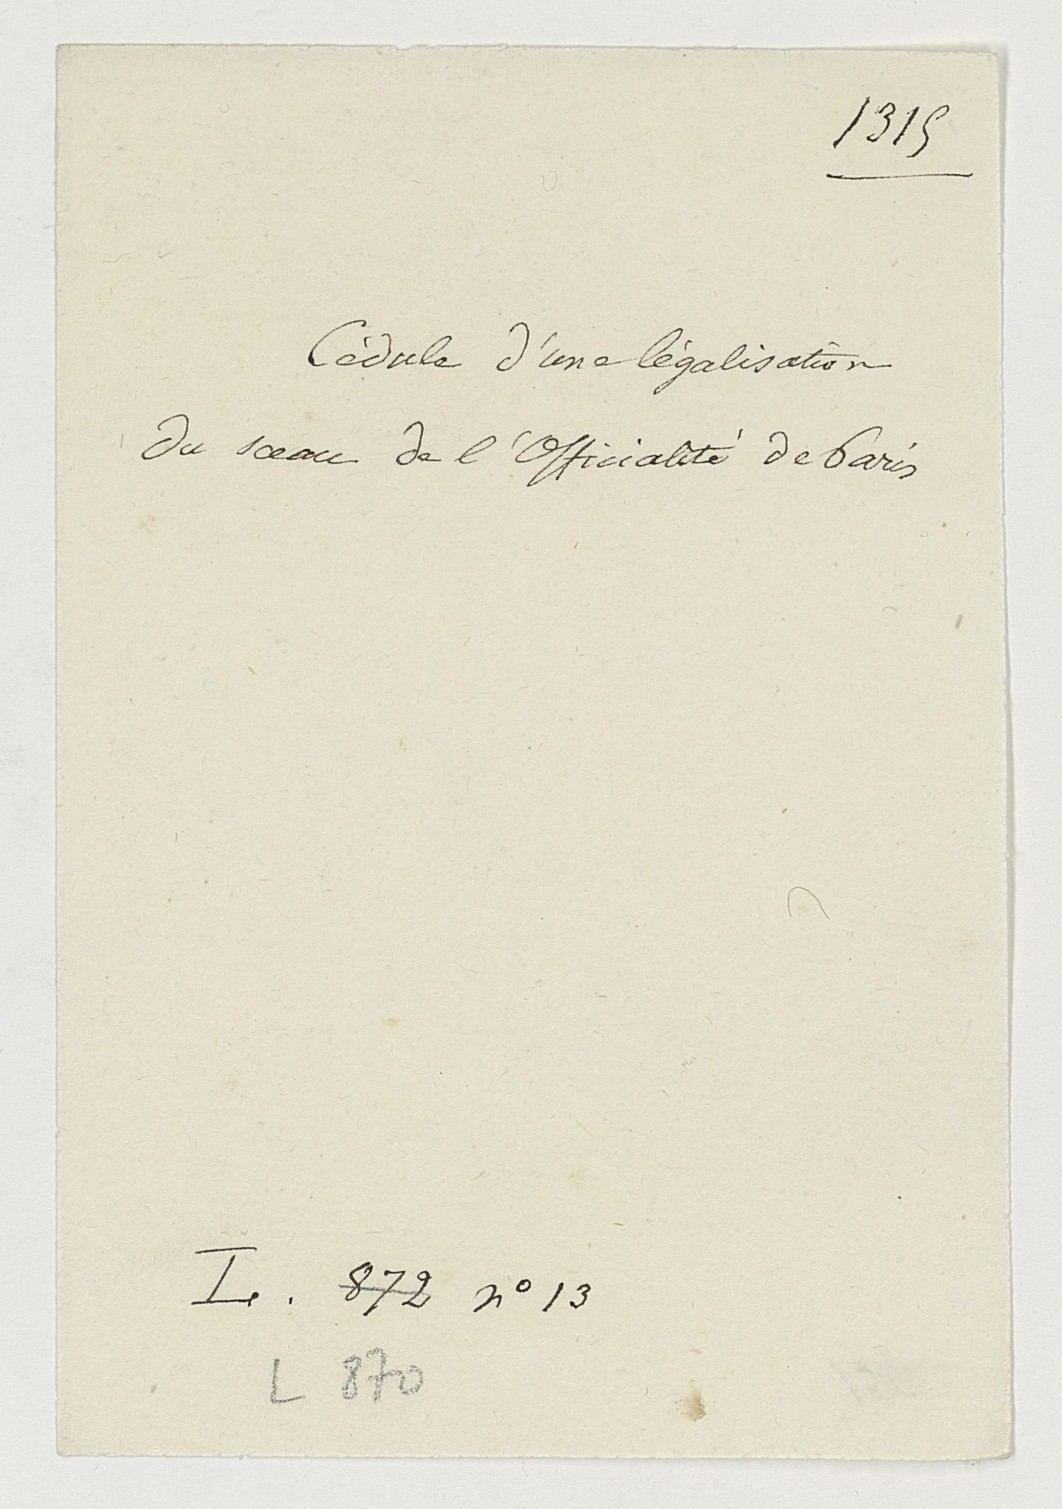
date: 1315
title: Cédule d'une légalisation du sceau de l'Officialité de Paris
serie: L
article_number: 870
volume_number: n° 13
